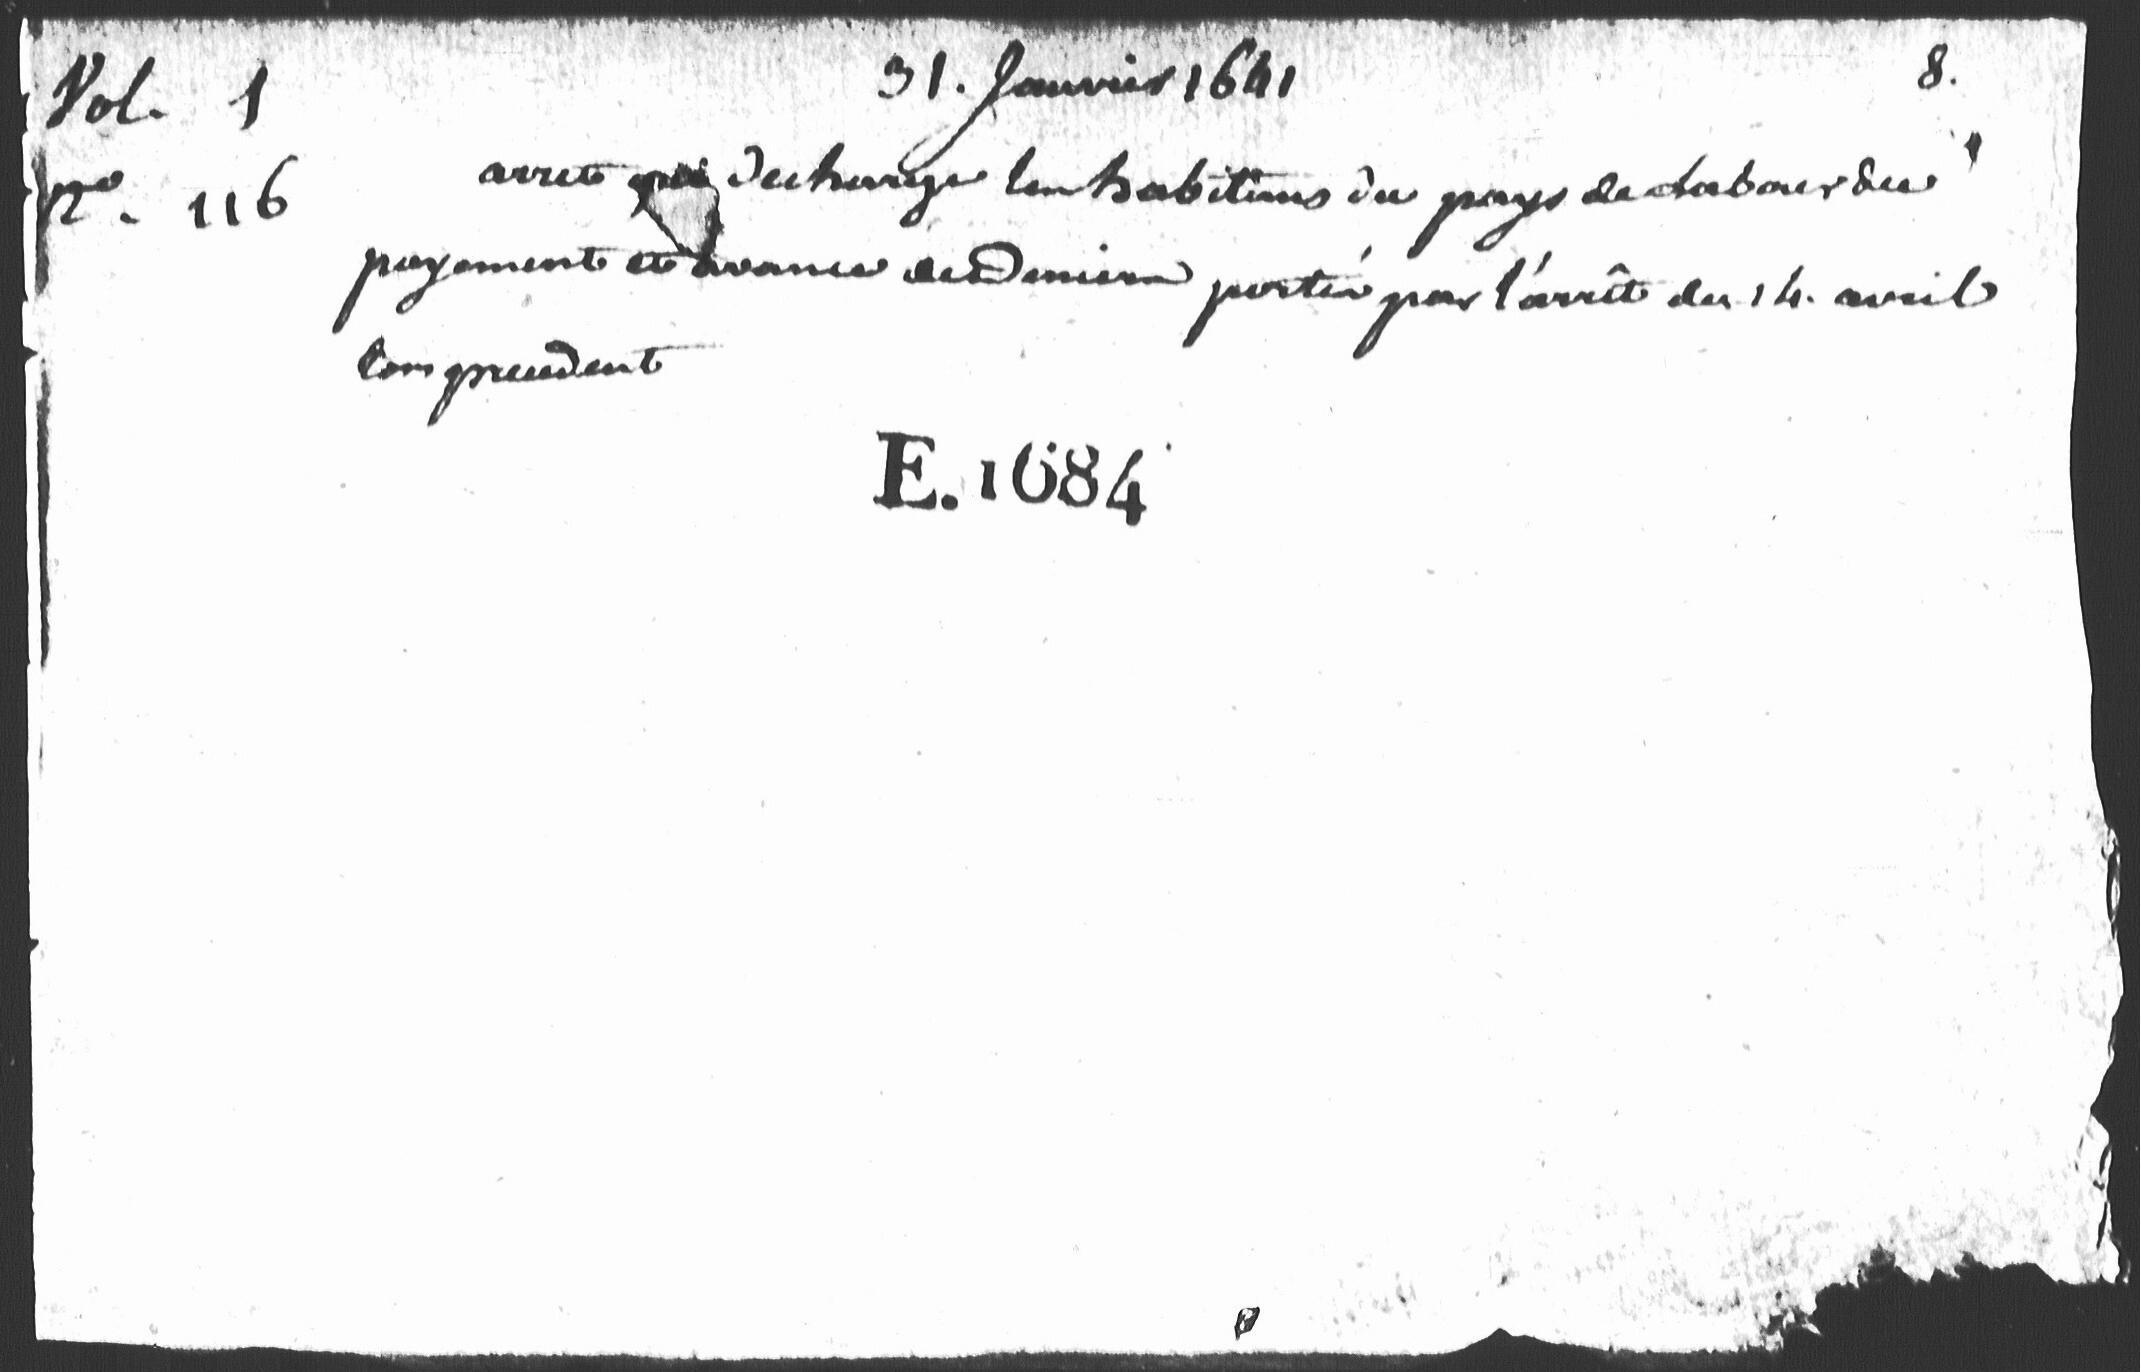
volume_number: n°116
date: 31 janvier 1641
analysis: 8.
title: arret qui decharge les habitans du pays de Labour du payement et avance des deniers portés par l'arrêt du 14 avril l'an precedent
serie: E
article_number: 1684
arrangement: vol. 1
